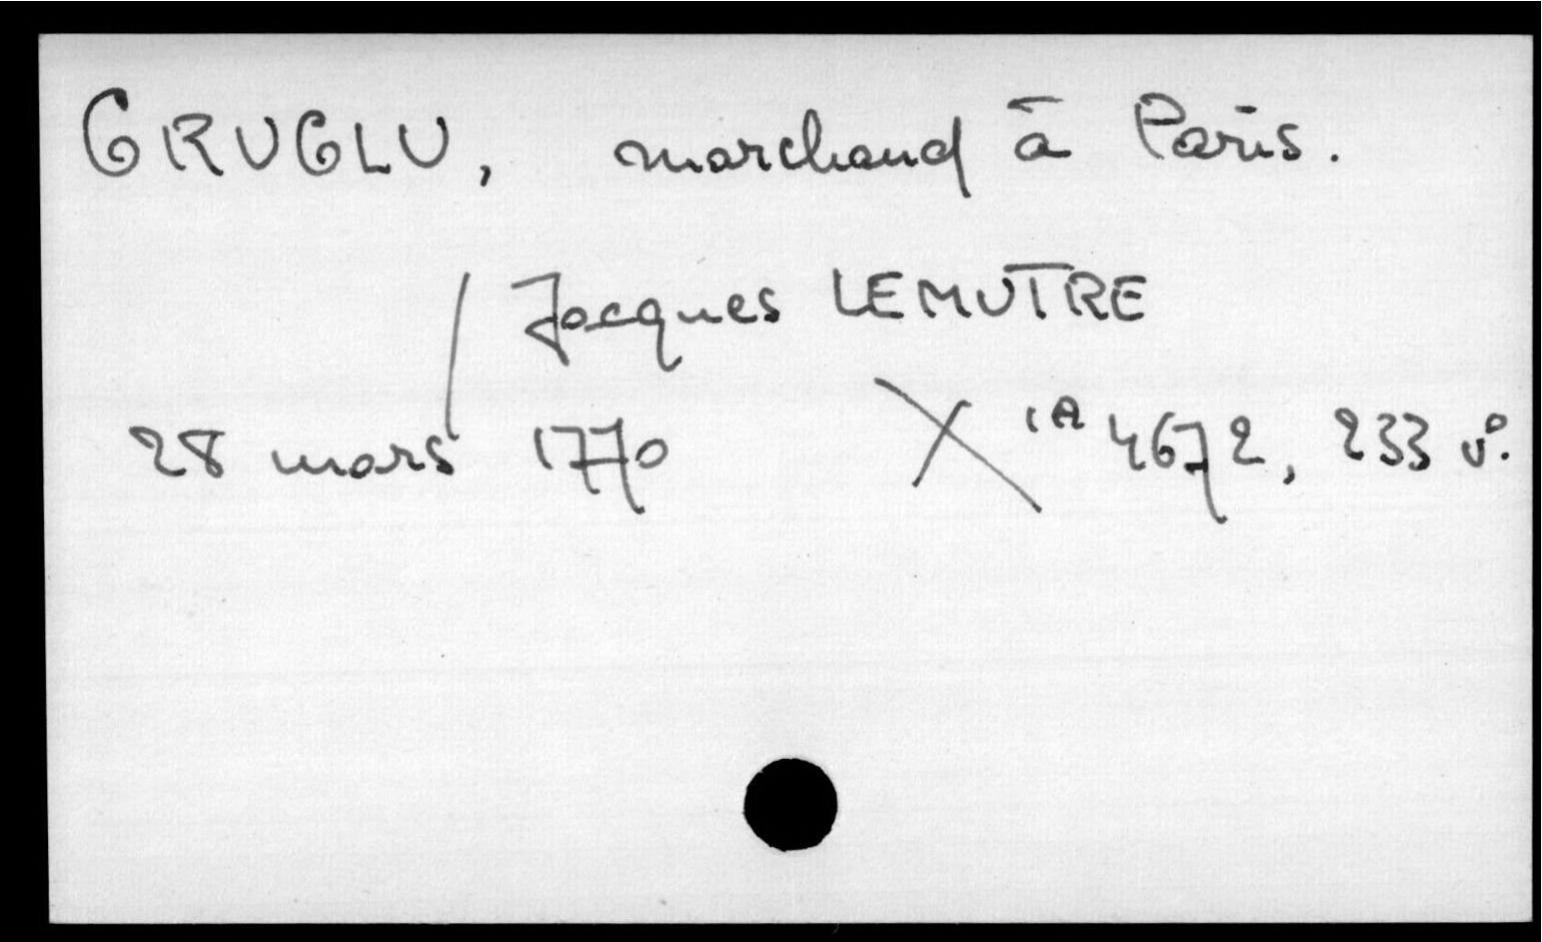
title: GRUGLU, marchand à Paris
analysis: Contre Jacques LEMUTRE
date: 28 mars 1770
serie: X1A
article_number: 4672
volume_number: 233v
